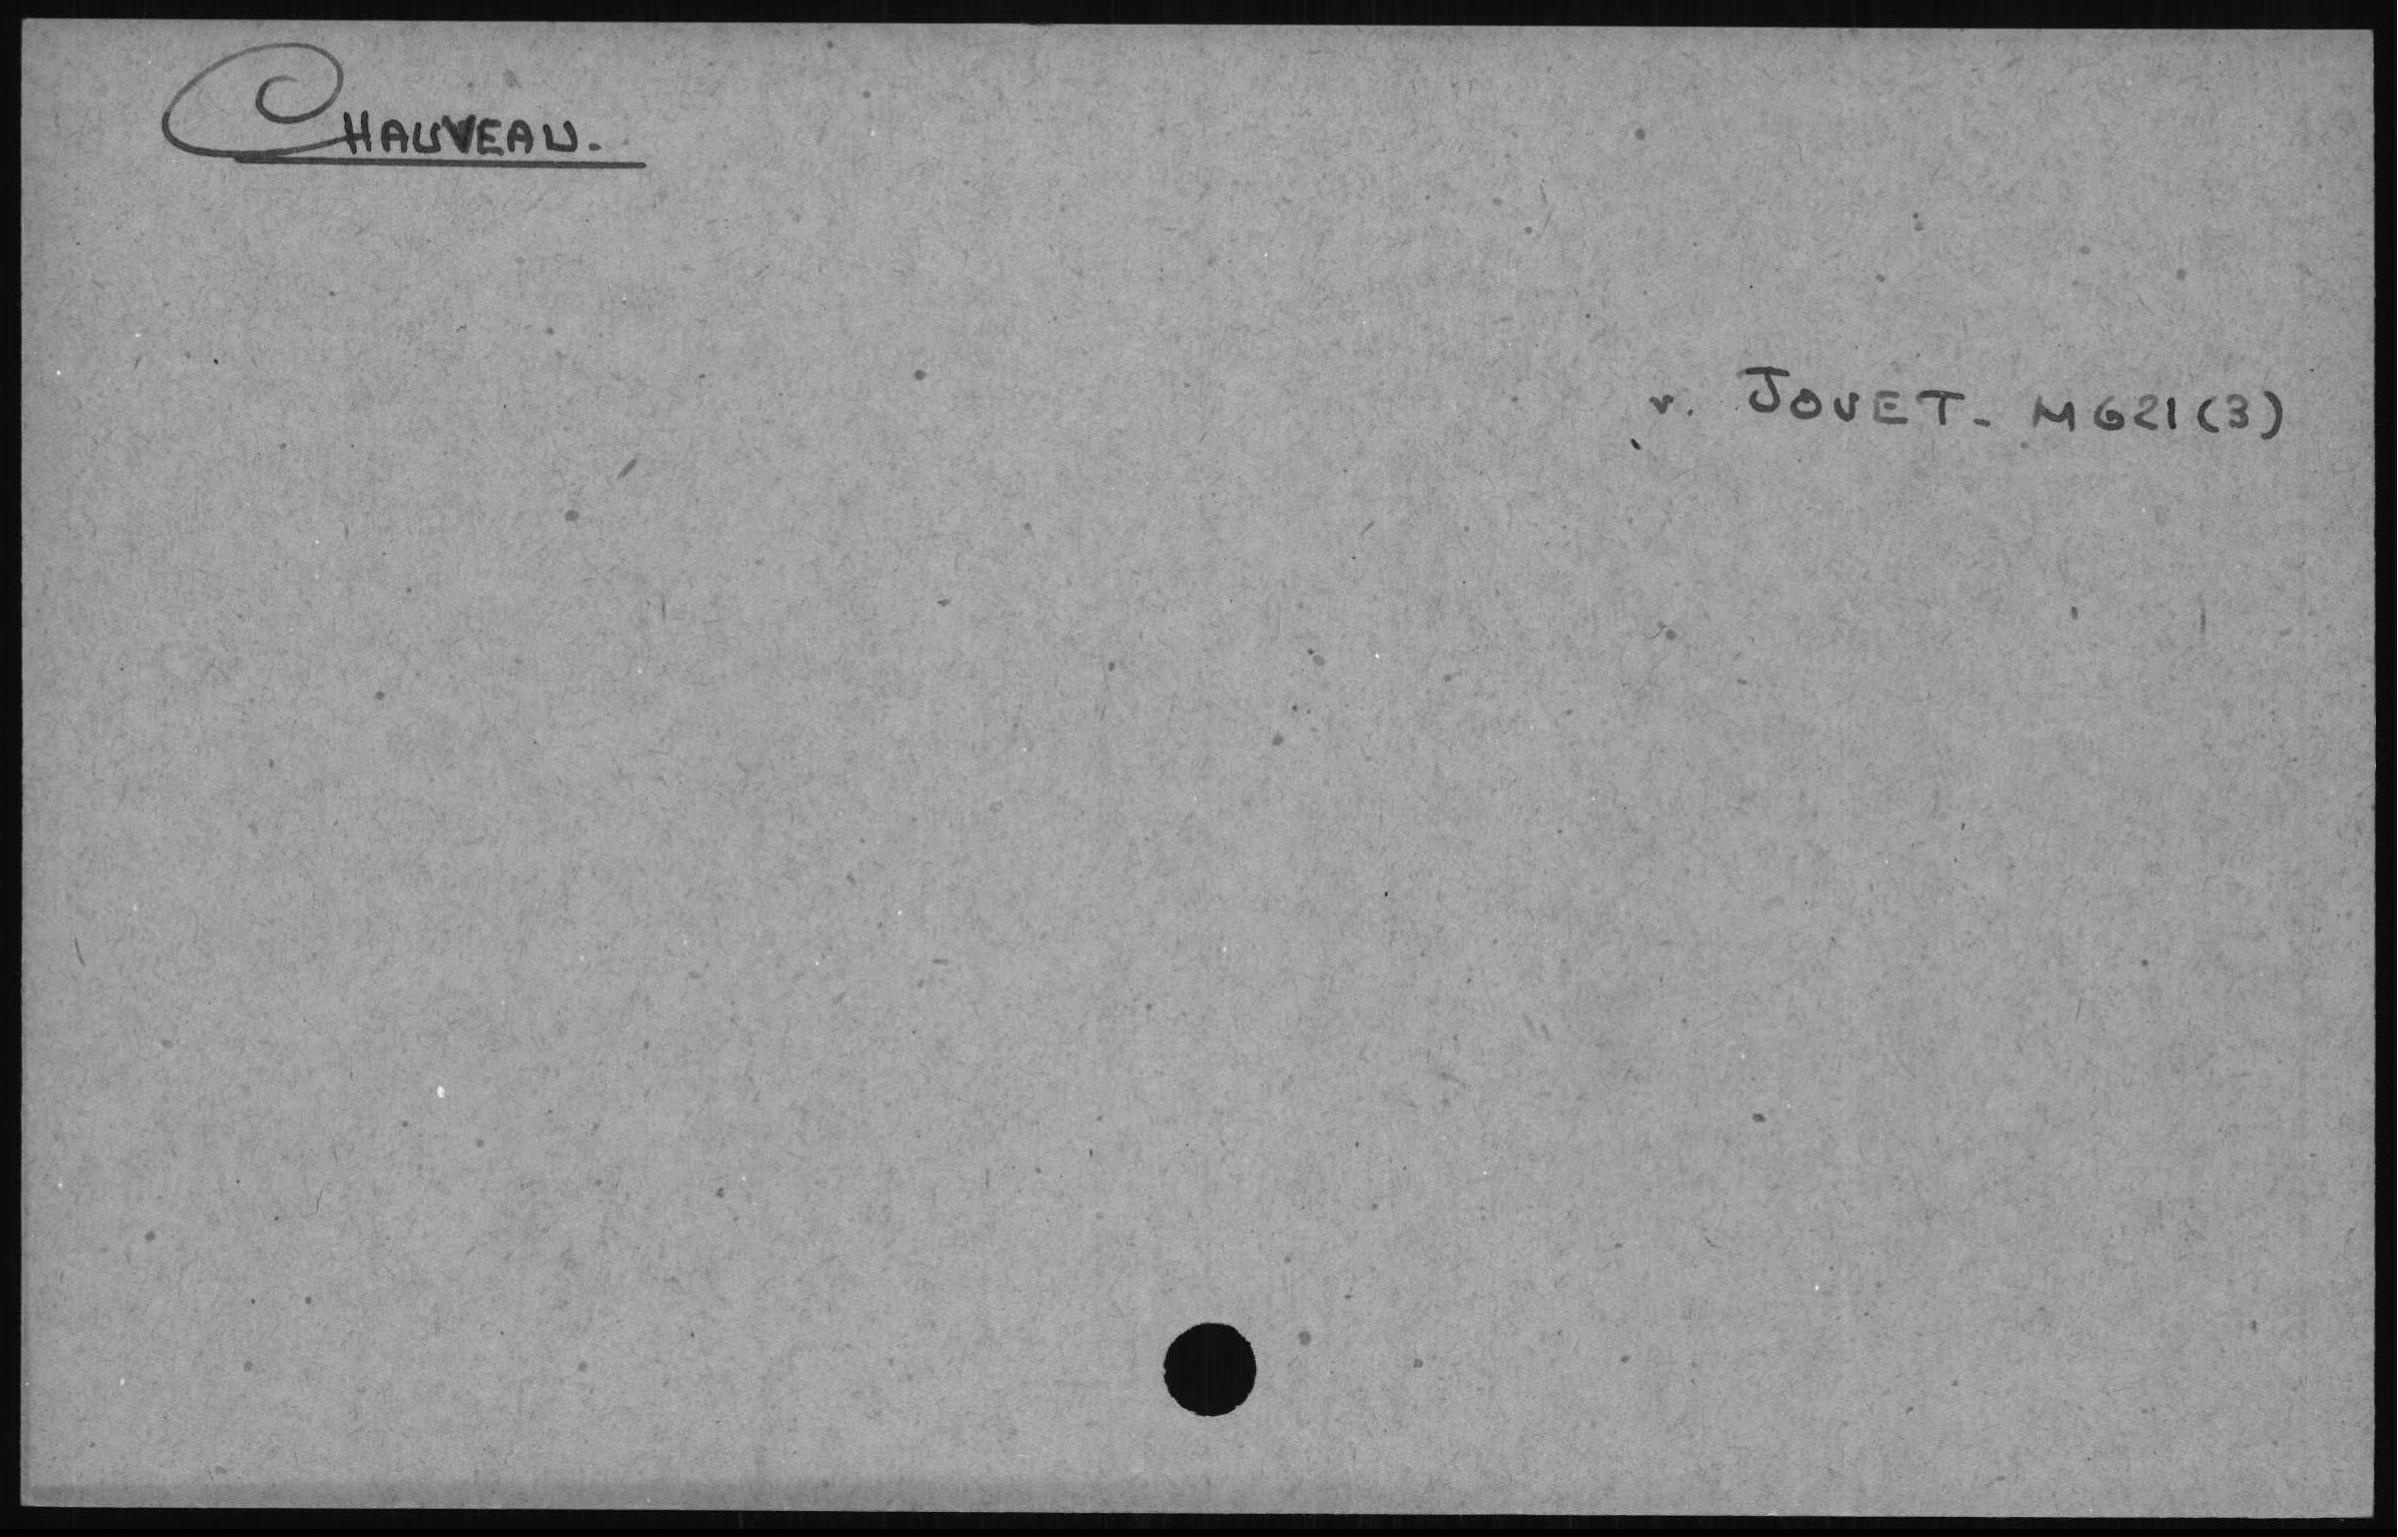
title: CHAUVEAU.
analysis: voir : JOUET.
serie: M
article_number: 621
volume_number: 3
